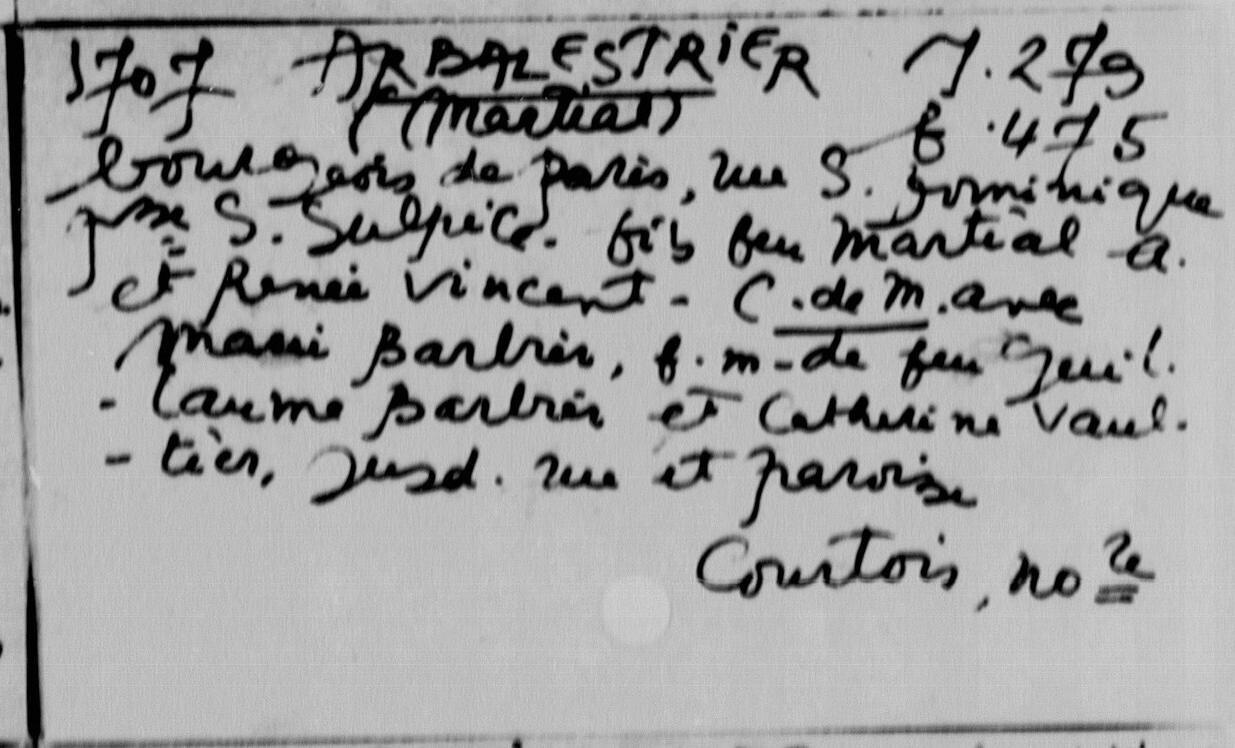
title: ARBALESTRIER (Martial)
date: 1707
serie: Y
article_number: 279
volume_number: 475
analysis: Bourgeois de Paris, rue Saint-Dominique, paroisse Saint-Sulpice. Fils feu Martial ARBALESTRIER et Renée VINCENT. Contrat de mariage avec Marie BARBIER, fille majeure de feu Guillaume BARBIER et Catherine VAULTIER, susdites rue et proisse. Courtois, notaire.
